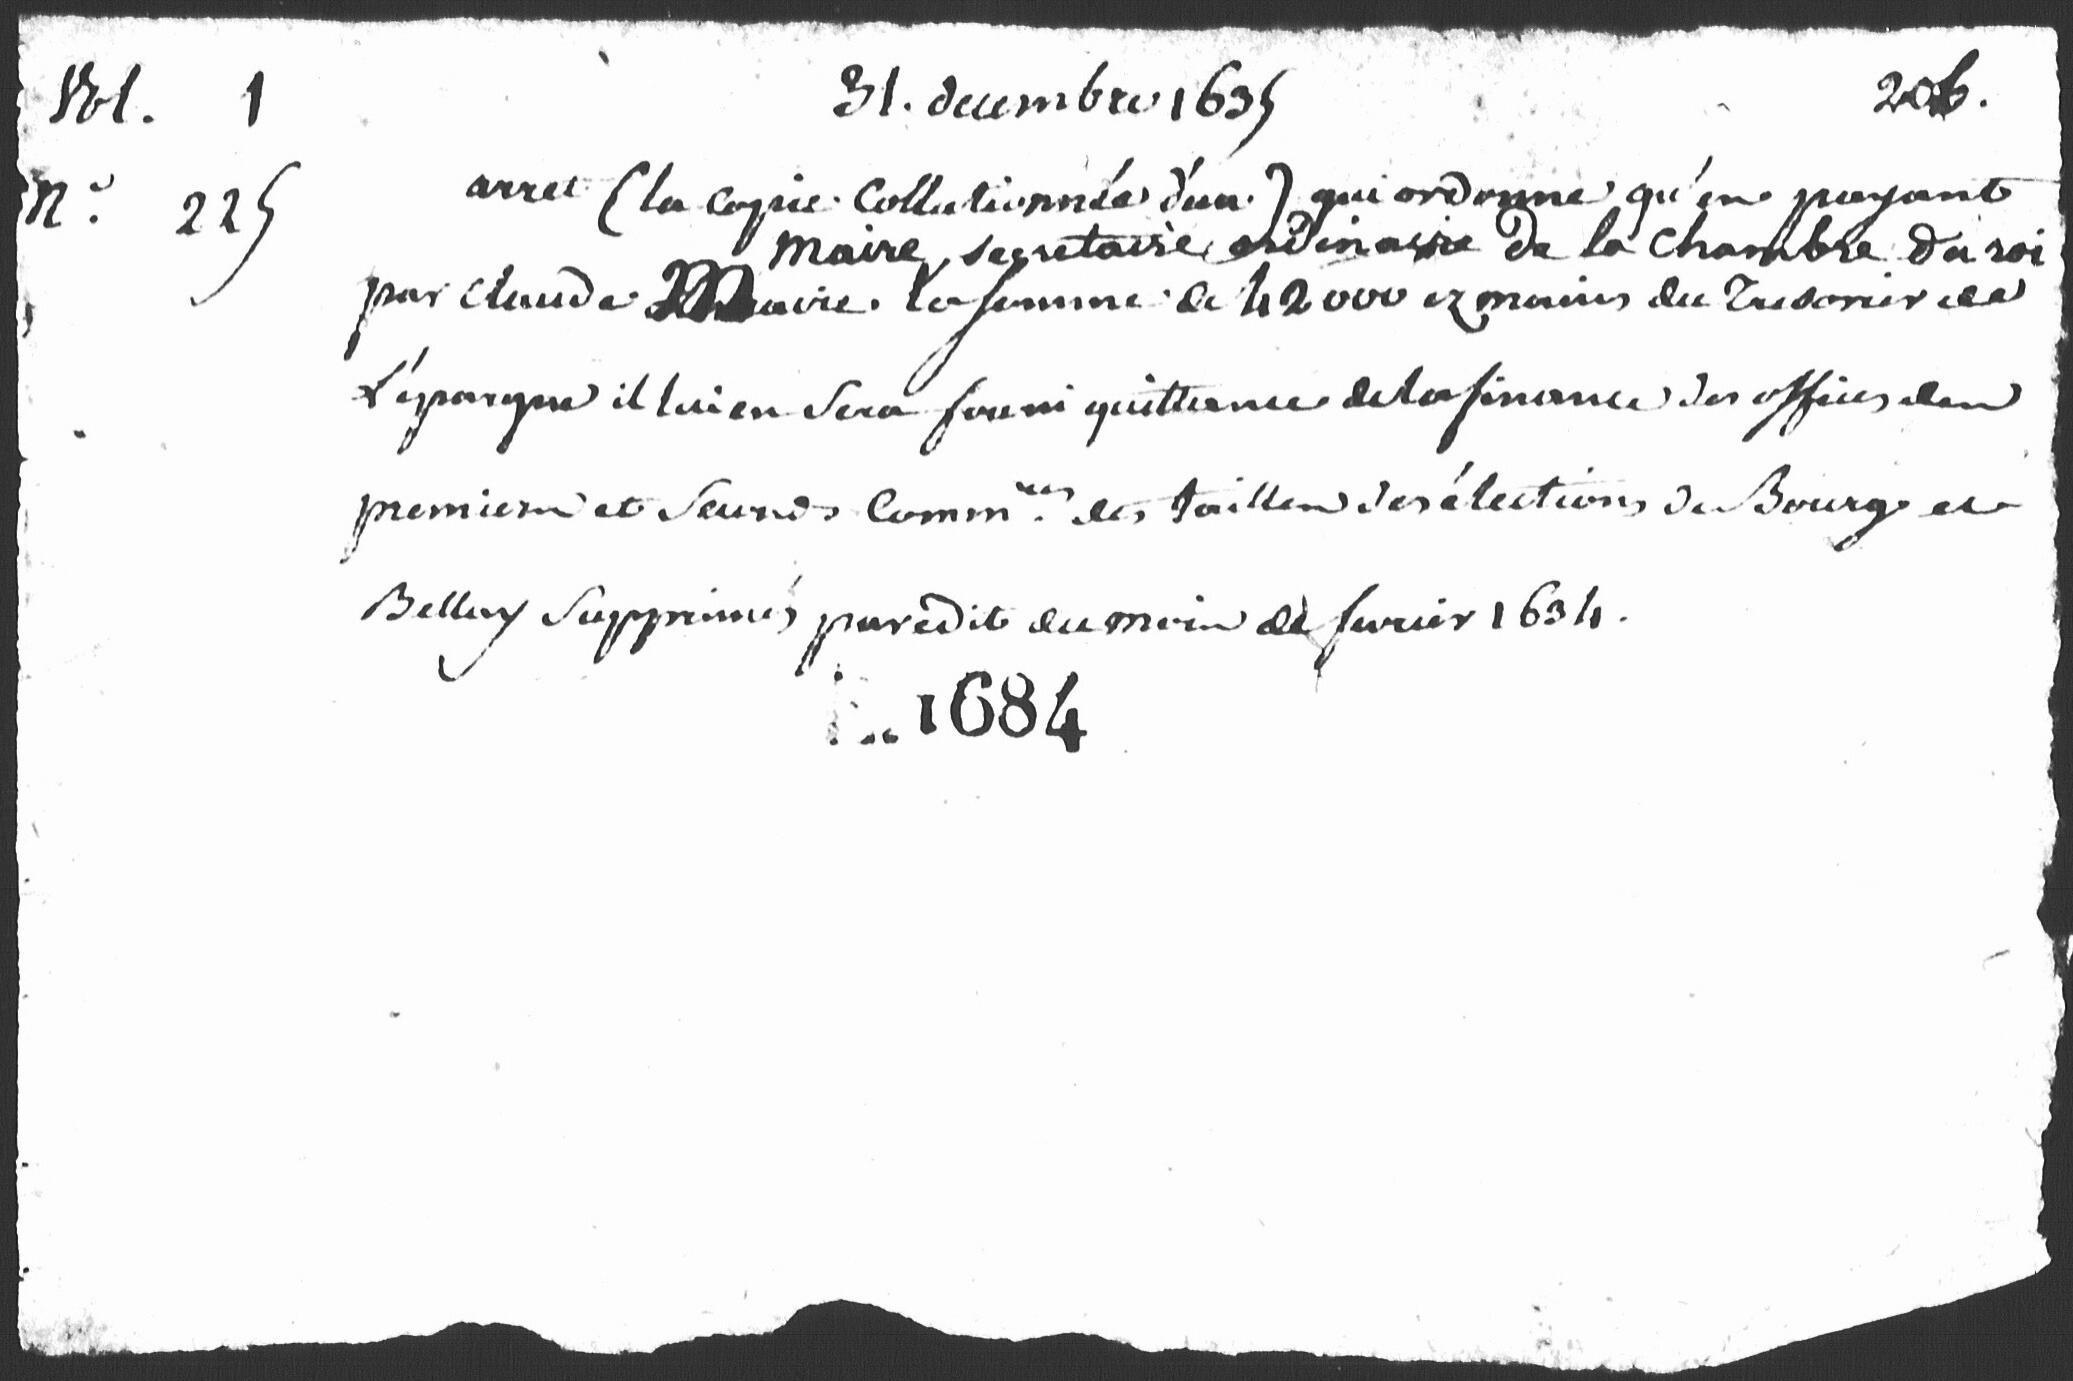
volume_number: n°225
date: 31 décembre 1635
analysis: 206
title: arret (copie collationnée d'un) qui ordonne qu'en payant par Claude Maire [Maire], secrétaire ordinaire de la chambre du roi la somme de 42000 ez mains du Tresorier de l'epargne il lui en sera fourni quittance de la finance des offices des premiers et seconds comm.res des tailles des élections de Bourg et Bellay supprimés par edit du mois de fevrier 1634
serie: E
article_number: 1684
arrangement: vol. 1
